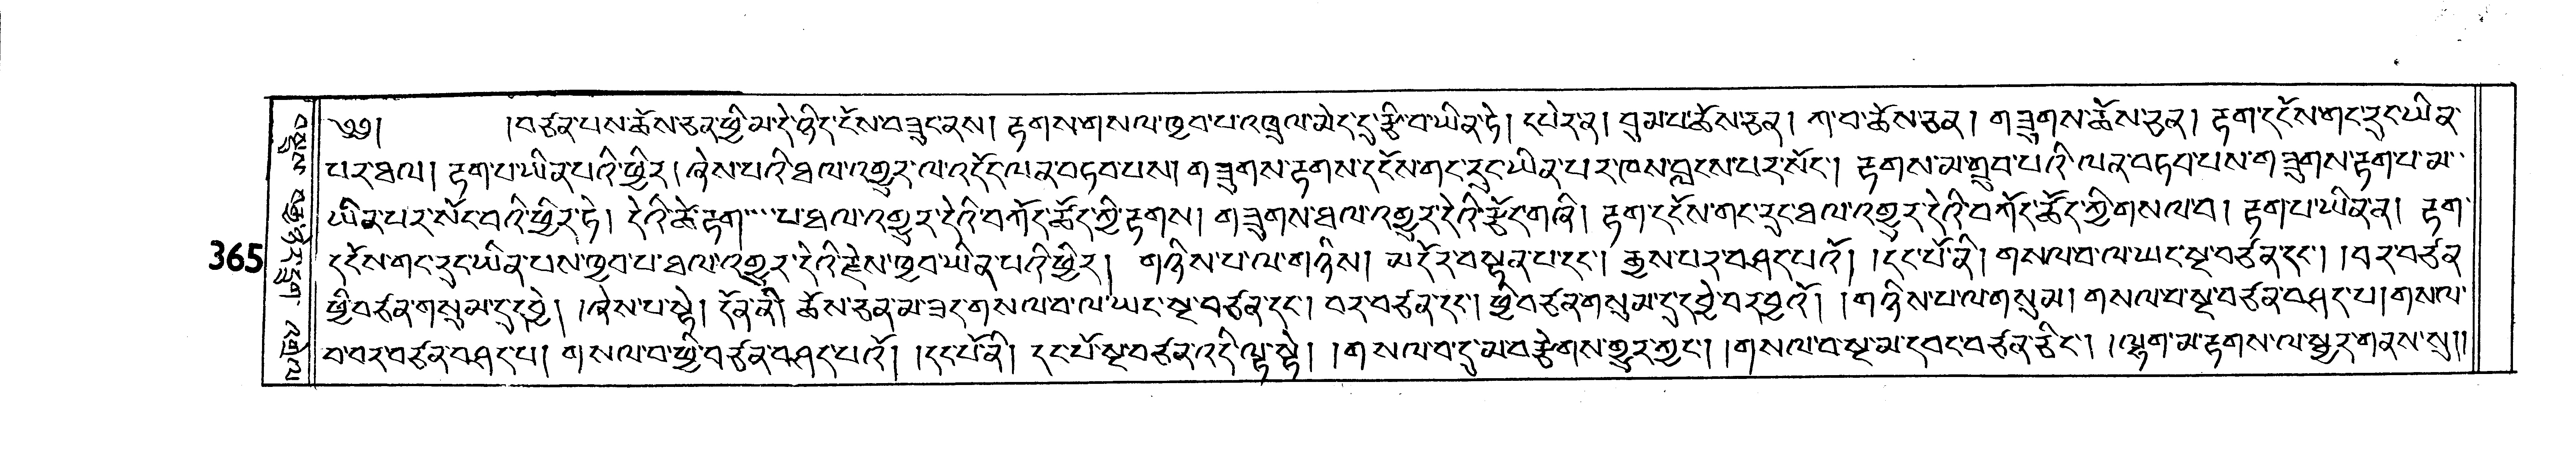༄༅། །བཙན་པས་ཆོས་ཅན་ཕྱི་མ་དེ་ཉིད་ངོས་བཟུང་ནས། རྟགས་གསལ་ལ་ཁྱབ་པ་འཁྲུལ་མེད་དུ་རྩི་བ་ཡིན་ཏེ། དཔེར་ན། བུམ་པ་ཆོས་ཅན། ཀ་བ་ཆོས་ཅན། གཟུགས་ཆོས་ཅན། རྟག་དངོས་གང་རུང་ཡིན་
པར་ཐལ། རྟག་པ་ཡིན་པའི་ཕྱིར། །ཞེས་པའི་ཐལ་འགྱུར་ལ་འདོད་ལན་བཏབ་པས། གཟུགས་རྟགས་དངོས་གང་རུང་ཡིན་པར་ཁས་བླངས་པར་སོང་། རྟགས་མ་གྲུབ་པའི་ལན་བཏབ་པས་གཟུགས་རྟག་པ་མ་
ཡིན་པར་སོང་བའི་ཕྱིར་ཏེ། དེའི་ཚེ་རྟག་པ་ཐལ་འགྱུར་དེའི་བཀོད་ཚོད་ཀྱི་རྟགས། གཟུགས་ཐལ་འགྱུར་དེའི་རྩོད་གཞི། རྟག་དངོས་གང་རུང་ཐལ་འགྱུར་དེའི་བཀོད་ཚོད་ཀྱི་གསལ་བ། རྟག་པ་ཡིན་ན། རྟག་
དངོས་གང་རུང་ཡིན་པས་ཁྱབ་པ་ཐལ་འགྱུར་དེའི་རྗེས་ཁྱབ་ཡིན་པའི་ཕྱིར། གཉིས་པ་ལ་གཉིས། མདོར་བསྟན་པ་དང་། རྒྱས་པར་བཤད་པའོ། །དང་པོ་ནི། གསལ་པ་ལ་ཡང་སྔ་བཙན་དང་། །བར་བཙན་
ཕྱི་བཙན་གསུམ་དུ་དབྱེ། །ཞེས་པ་སྟེ། དོན་ནི། ཆོས་ཅན་མ་ཟད་གསལ་བ་ལ་ཡང་སྔ་བཙན་དང་། བར་བཙན་དང་། ཕྱི་བཙན་གསུམ་དུ་དབྱེ་བར་བྱའོ། །གཉིས་པ་ལ་གསུམ། གསལ་བ་སྔ་བཙན་བཤད་པ། གསལ་
བ་བར་བཙན་བཤད་པ། གསལ་བ་ཕྱི་བཙན་བཤད་པའོ། །དང་པོ་ནི། དང་པོ་སྔ་བཙན་འདི་ལྟ་སྟེ། །གསལ་བ་དུ་མ་བརྩེགས་གྱུར་ཀྱང་། །གསལ་བ་སྔ་མ་དབང་བཙན་ཅིང་། །ལྷག་མ་རྟགས་ལ་སྦྱར་གནས་སུ། །